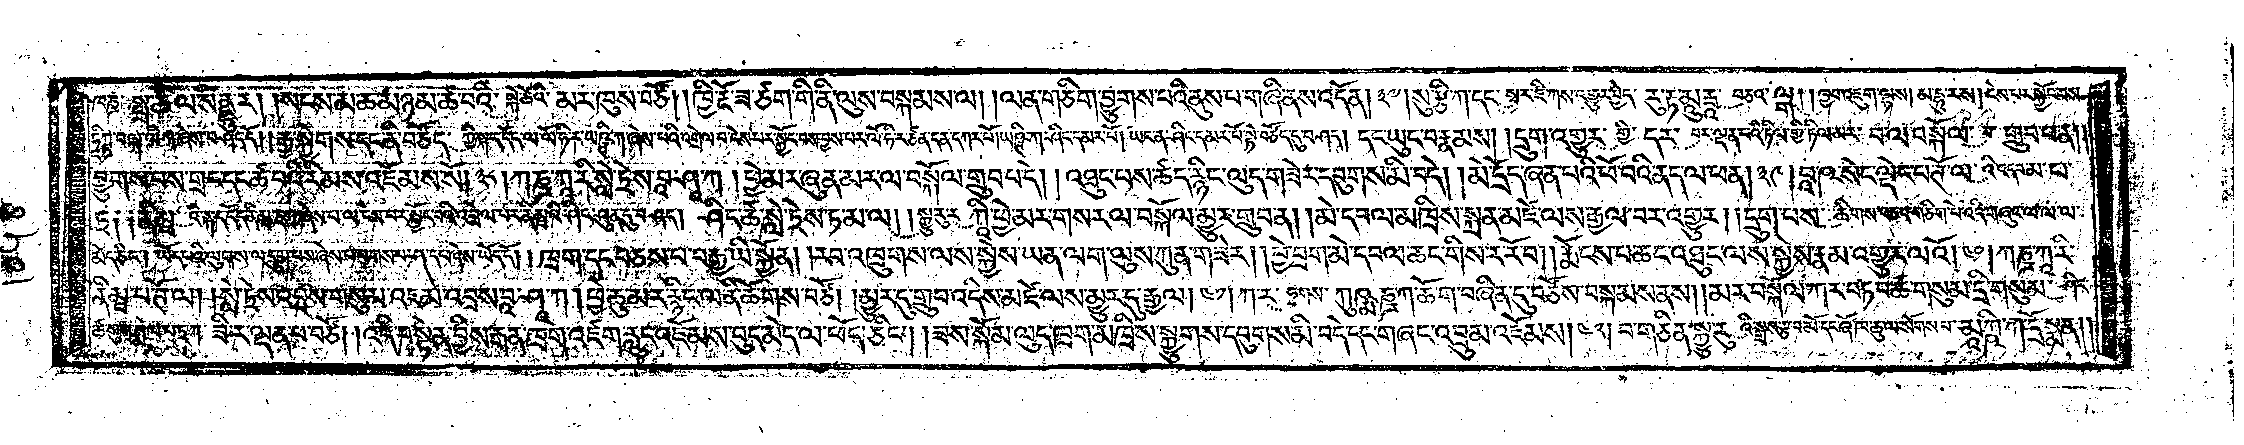ཁཎྜ་སྤྲ་ཆལ་སིནྡྷུ་ར། །སངས་མ་ཆ་མཉམ་ཚ་པའི་སྐེ་ཚེའི་མར་ཁུས་བཙོ། །ཁྱི་རྡོ་ཟ་ཙག་གི་ནི་ལུས་བསྐམས་ལ། །ལན་གཅིག་བྱུགས་པའི་ནུས་པ་གཞི་ནས་འདོན། ༣༧་།སུ་རྩི་ཀ་དང་སྭར་ཛིགས་འགྱུར་བྱེད་རུ་རྟ་མཱུརྦཱ་བཅའ་ལྒ། །ཁྱབ་འཇུག་ལྷས། མ་དྷུ་རས། ངེས་པར་སྐྱོང་པས་
ཏཱིཀྟ་བླྐ་ལི་ཀ་ཞེས་བཤད་དོ། །རྒྱ་སྐྱེགས་དང་ནི་བཙོད་ཀྱི་སྐད་དོད་ལ་ལོ་ཧི་ར་ཡཥྚི་ཀ་ཞེས་པའི་འགྲེལ་པ་ངེས་པར་སྐྱོང་བས་བྱས་པར་ལོ་ཧི་ར་ཙན་དན་དཀར་པོ། ཡཥྚི་ཀ་ཤིང་དམར་པོ། ཡང་ན་ཤིང་དམར་པོ་སྟེ་བཙོད་དུ་བཤད། དང་ཡུང་བ་རྣམས། །དྲུག་འགྱུར་གྱི་དར་བར་ལྡན་བའི་ཏིལ་གྱི་ཏིལ་མར་བ་ལ་བསྐོལ་བ་གྲུབ་བ་ན། །
བྱུགས་བས་གྲང་དང་ཚ་བའི་རིམས་འཇོམས་སོ། ༣༨་།ཀཎྜ་ཀཱ་རི་སླེ་ཏྲེས་བཱ་ཤཱ་ཀ །ཕྱེ་མར་ཞུན་མར་ལ་བསྐོལ་གྲུབ་པ་དེ། །འཐུང་པས་ཚད་རྙིང་ལུད་གཟེར་དབུགས་མི་བདེ། །མེ་དྲོད་ཞན་པའི་ཕོ་བའི་ནད་ལ་ཕན། ༣༦་།བཱ་ཥ་སེང་ལྡེང་པ་ཊོ་ལའི་འདབ་མ་པ་
ཏྲ༑ ༑ནིམྦའི་སྐད་དོད་ནི་མ་ཛཀ་ཞེས་པ་ལ་ངས་པར་སྐྱོང་བའི་འབྲེལ་པར་ནི་སྨྦའི་ཤིང་ཤུན་དུ་བཤད། ཤིང་ཚ་སླེ་ཏྲེས་ཏ་མ་ལ། །སྐྱུ་རུ་ར་ཀཱི་ཕྱེ་མར་གསར་ལ་བསྐོལ་མྱུར་གྲུབ་ན། །མེ་དབལ་མཁྲིས་སྐྲན་མཛེ་ལས་རྒྱལ་བར་འགྱུར། །དྲུག་པས་ཆིགས་བཅའ་གཅིག་པེ་འདི་གཞུང་ལ་ལ་ལ་
མེད་ཅིང་། ཡོད་པའི་ལུགས་ལ་དྲུག་པས་ཞེས་པ་པགས་པ་ཤ་དང་ཞེས་ཡོད་དོ། །ཁྲག་དང་བཅས་པ་བརྒྱ་ཡི་སྐྱོན། །རབ་འཁྲུགས་ལས་སྐྱེས་ཡན་ལག་ལུས་ཀུན་གཟེར། །བྱེ་བྲག་མེ་དབལ་ཆང་གིས་ར་རོ་བ། །རྨོངས་པ་ཆང་འཐུང་ལས་སྐྱེས་རྣམ་འགྱུར་ལའོ། ༤༠་།ཀཎྜ་ཀཱ་རི་
ནིམྦ་པ་ཊོ་ལ། །སླེ་ཏྲེས་འབྲས་གསུམ་འཇམ་འབྲས་བཱ་ཤཱ་ཀ། ཕྱེ་ཆུ་མར་རྙིང་ལ་ནི་ཚོགས་བཙོ། །མྱུར་དུ་གྲུབ་འདིས་མཛེ་ལས་མྱུར་དུ་རྒྱལ། ༤༡་།ཀ་ར་ཧགས་ཀུཥྨཎྜ་ཀ་ཆོ་ག་བཞིན་དུ་བཙོས་བསྐམས་ནས། །མར་བསྐོལ་ཀར་བཏབ་ཚ་གསུམ་དྲི་གསུམ་ཤིང་
ཚ་སུག་སྨེལ་པ་ཏྲ་ཀ་ཟི་ར་ལྡན་པ་བཙོ། །འདི་བསྟེན་བྱིས་རྒན་ཁྲག་འཛག་རླུང་འཇོམས་བུད་མེད་ལ་ཕོད་ཅིང་། །ཟས་སྐོམ་ལུད་ཁྲག་མཁྲིས་སྐྱུགས་དབུགས་མི་བདེ་དང་གཞང་འབྲུམ་འཇོམས། ༤༢་།བ་གཅིན་སྐྱུ་རུའི་སྒྲས་རྩ་བ་མོ་དང་ཞོ་ཁ་ཆུ་ལ་སོགས་པ་མཱཀྵི་ཀ་དྲོ་སྨན།།